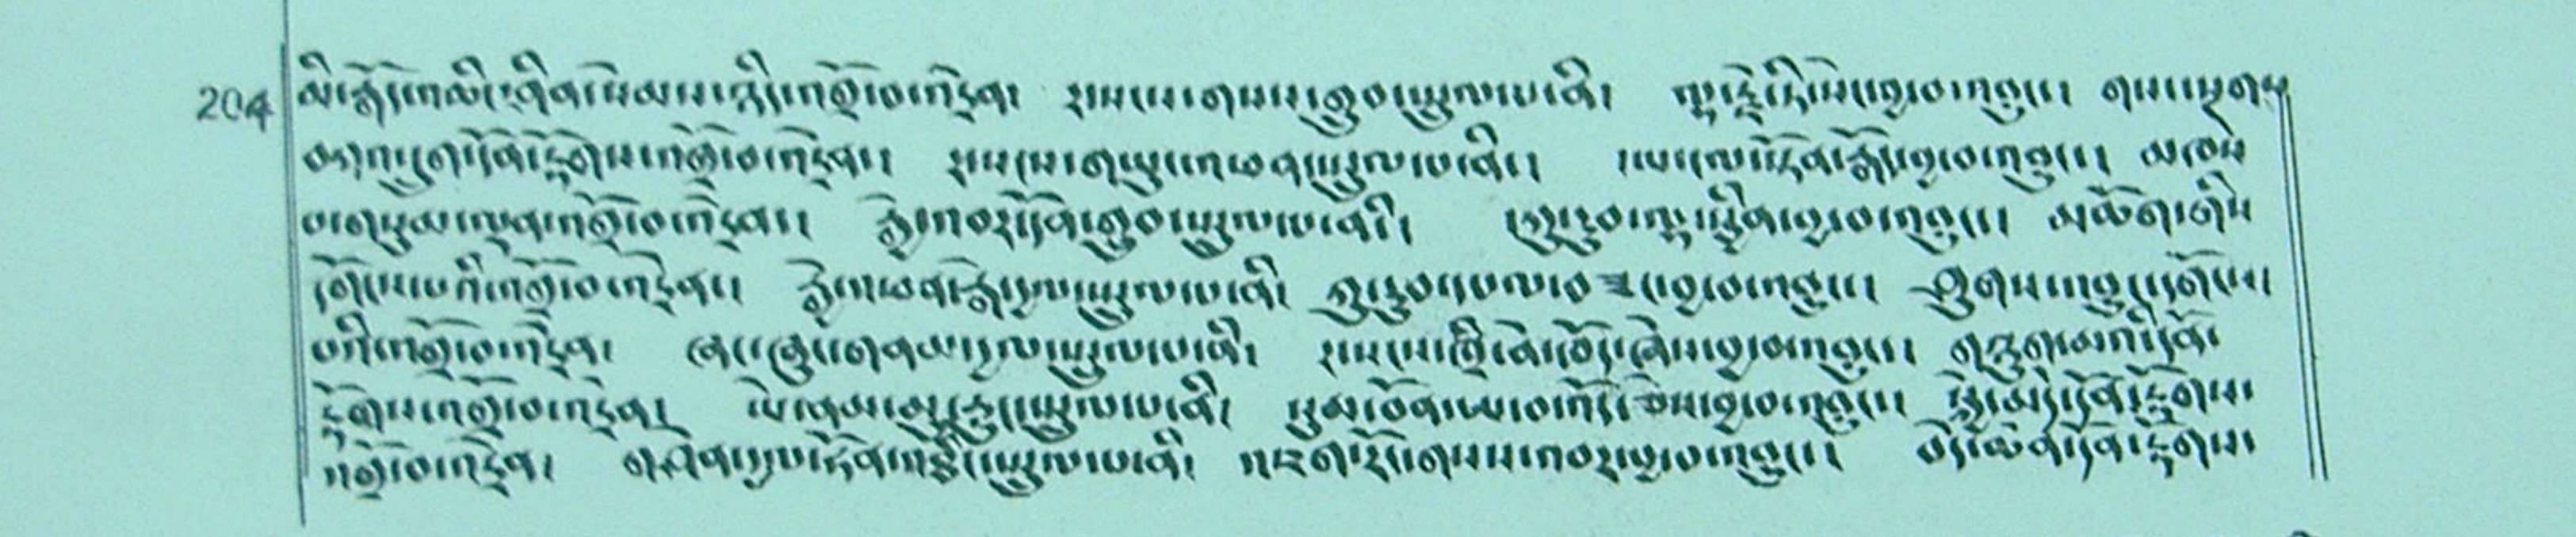མི་རྒོད་འཆིང་ཤིན་སེམས་ཉིད་དོན་རྟོགས་འགྲོ་བ་འདྲེན། ར་སངས་བསམ་གྲུབ་སྤྲུལ་པ་ནི། ལྷ་རྗེ་ཏི་སེང་བྱ་བ་འབྱུང་། གསང་སྔགས་
བཀའ་དྲུག་དོན་རྟོགས་འགྲོ་བ་འདྲེན། ར་སངས་གཡུང་འཕན་སྤྲུལ་པ་ནི། ཡ་ངལ་སྟོན་རྒོད་བྱ་བ་འབྱུང་། མཁས་
པ་གསུམ་ལྡན་འགྲོ་བ་འདྲེན། དགེ་འབར་དོན་གྲུབ་སྤྲུལ་པ་ནི། གུ་རུབ་ལྷ་སྦྱིན་བྱ་བ་འབྱུང་། མཆོག་གི་
དགོངས་པའི་འགྲོ་བ་འདྲེན། རྒྱེ་འཕན་རྒེ་རྒྱལ་སྤྲུལ་པ་ནི། ཀུ་རུབ་དཔལ་བཟང་བྱ་བ་འབྱུང་། ཤུགས་འབྱུང་དགོངས་
པའི་འགྲོ་བ་འདྲེན། ཞང་ཞུང་གནམ་རྒྱལ་སྤྲུལ་པ་ནི། ར་སངས་ཁྲི་ནེ་ཁོད་ཅེས་བྱ་བ་འབྱུང་། གཉུག་མའི་དོན་
རྟོགས་འགྲོ་བ་འདྲེན། ཡེ་ནམ་མུ་རྒྱུང་སྤྲུལ་པ་ནི། སུམ་བོན་ཨ་བ་འོད་ཅེས་བྱ་བ་འབྱུང་། སྐྱེ་མེད་དོན་རྟོགས་
འགྲོ་བ་འདྲེན། གཤེན་རྒྱལ་ཧོན་མཐིང་སྤྲུལ་པ་ནི། འཇག་རོང་གསལ་འབར་བྱ་བ་འབྱུང་། བདེ་ཆེན་དོན་རྟོགས་